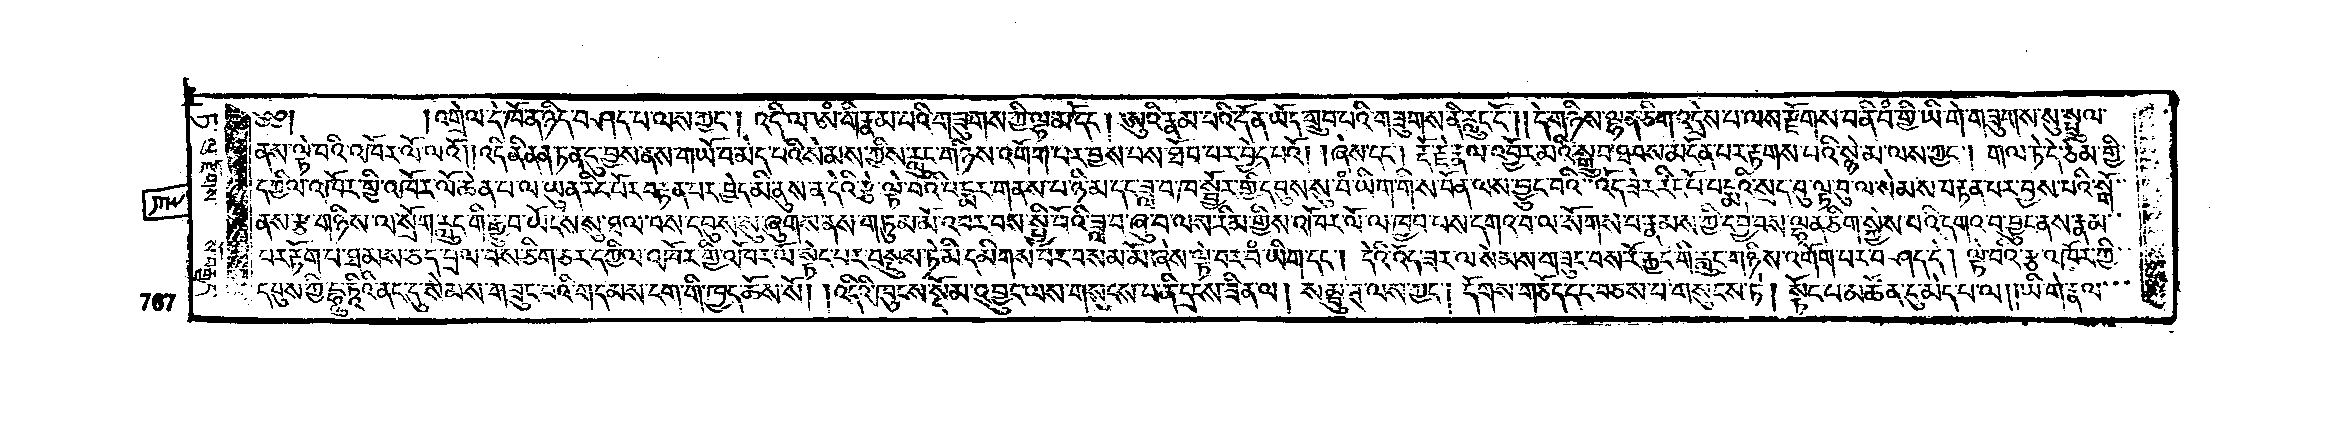༄༅། །འགྲེལ་དེ་ཁོ་ན་ཉིད་བཤད་པ་ལས་ཀྱང་། འདི་ལ་ཨཾ་གི་རྣམ་པའི་གཟུགས་ཀྱི་ལྷ་མོ་དང་། ཨུའི་རྣམ་པའི་དོན་ཡོད་གྲུབ་པའི་གཟུགས་ནི་རླུང་ངོ། །དེ་གཉིས་ལྷན་ཅིག་འདྲེས་པ་ལས་རྫོགས་པ་ནི་བཾ་གྱི་ཡི་གེ་གཟུགས་སུ་སྤྲུལ་
ནས་ལྟེ་བའི་འཁོར་ལོ་ལའོ། །འདི་ནི་ནན་ཏན་དུ་བྱས་ནས་གཡོ་བ་མེད་པའི་སེམས་ཀྱིས་རླུང་གཉིས་འགོག་པར་བྱས་པས་ཐོབ་པར་བྱེད་པའོ། །ཞེས་དང་། རྡོ་རྗེ་རྣལ་འབྱོར་མའི་སྒྲུབ་ཐབས་མངོན་པར་རྟགས་པའི་སྙེ་མ་ལས་ཀྱང་། གལ་ཏེ་དེ་ཙམ་གྱི་
དཀྱིལ་འཁོར་གྱི་འཁོར་ལོ་ཆེན་པོ་ལ་ཡུན་རིང་པོར་བརྟན་པར་བྱེད་མི་ནུས་ན་དེའི་རྩེ་ལྟེ་བའི་པདམར་གནས་པ་ཉི་མ་དང་ཟླ་བ་ཁ་སྦྱོར་གྱི་དབུས་སུ་བཾ་ཡིག་གི་ས་བོན་ལས་བྱུང་བའི་འོད་ཟེར་རིང་པོ་པདམའི་སྲད་བུ་ལྟ་བུ་ལ་སེམས་བརྟན་པར་བྱས་པའི་སྒོ་
ནས་རྩ་གཉིས་ལ་སྲོག་རླུང་གི་རྒྱུ་བ་ཡོངས་སུ་ཐལ་བས་དབུས་སུ་ཞུགས་ནས་གཏུམ་མོ་འབར་བས་སྤྱི་བོའི་ཟླ་བ་ཞུ་བ་ལས་རིམ་གྱིས་འཁོར་ལོ་ལ་ཁྱབ་པས་དགའ་བ་ལ་སོགས་པ་རྣམས་ཀྱི་དབྱེ་བས་ལྷན་ཅིག་སྐྱེས་པའི་དགའ་བ་བྱུང་ནས་རྣམ་
པར་རྟོག་པ་ཐམས་ཅད་བྲལ་བས་ཅིག་ཅར་དཀྱིལ་འཁོར་གྱི་འཁོར་ལོ་སྟོང་པར་བསྡུས་ཏེ་མི་དམིགས་པར་བསམ་མོ་ཞེས་ལྟེ་བར་བཾ་ཡིག་དང་། དེའི་འོད་ཟེར་ལ་སེམས་གཟུང་བས་རེ་རྐྱང་གི་རླུང་གཉིས་འགོག་པར་བཤད་དེ། ལྟེ་བའི་རྩ་འཁོར་གྱི་
དབུས་ཀྱི་དྷཱུ་ཏཱིའི་ནང་དུ་སེམས་གཟུང་པའི་གདམས་ངག་གི་ཁྱད་ཆོས་སོ། །འདིའི་ཁུངས་སྡོམ་འབྱུང་ལས་གསུངས་པ་ནི་དྲངས་ཟིན་ལ། སམྦུ་ཊ་ལས་ཀྱང་། དོགས་གཅོད་དང་བཅས་པ་གསུངས་ཏེ། སྟོང་པ་མཚོན་དུ་མེད་པ་ལ། །ཡི་གེ་རྣལ་